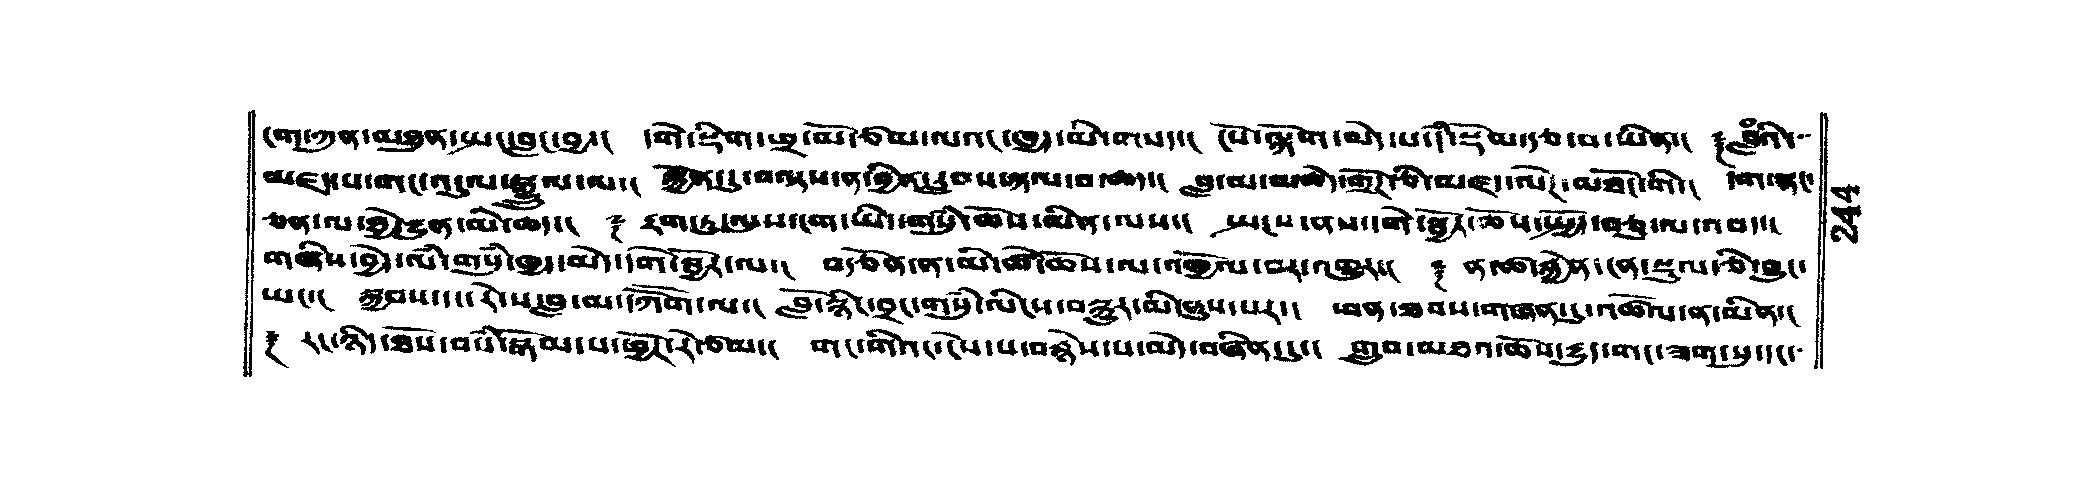ངག་ཀུན་མཐུན་སྤང་བླང་བྱ། །དགེ་སྡིག་ཕྲ་མོ་ཙམ་ལའང་ཁྱད་མི་གསད། །ངོས་སྐོག་མེད་པ་དམ་སྡོམ་རྩ་བ་ཡིན། ༈ བླ་མའི་
མཛད་པ་གང་འདུལ་སྒྱུ་འཕྲུལ་ལ། །སྐྱོན་དུ་བལྟས་ན་བྱིན་རླབས་སྐལ་པ་ཆད། །བླ་མ་མཆེད་གྲོགས་ཅི་མཛད་ལོགས་མཐོང་གི །དག་སྣང་
ཅན་ལ་ཐུགས་རྗེ་རྒྱུན་མི་ཆད། ༈ རྟག་ཏུ་ལུས་ངག་ཡིད་གསུམ་ཆོས་མིན་ལས། །སྤངས་ནས་དགེ་སྦྱོར་ཆོས་སྤྱོད་བཅུ་ལ་འབད། །
གཞིས་བྱེས་ལམ་གསུམ་ཁྱད་མེད་དགེ་སྦྱོར་ལ། །བརྩོན་ན་མི་ཚེ་ཆོས་ལ་འཁྱོལ་བར་འགྱུར། ༈ ན་ཚ་རྐྱེན་ངན་སྡུག་བསྔལ་ཅི་བྱུང་
ཡང། །སྐྱབས་དང་རེ་ས་བླ་མ་དཀོན་མཆོག་ལ། །བློ་སྙིང་བྲང་གསུམ་ལིངས་བསྐྱུར་མི་ནུས་པར། །ཕན་ཐབས་གཞན་དུ་འཚོལ་ན་ཆོས་པ་མིན། 
༈ རང་ཉིད་ཐོས་བསམ་སྒོམ་པ་ཕྱོགས་རེ་ཙམ། །གང་གིའང་ངེས་པ་བརྙེས་པ་མེད་བཞིན་དུ། །གྲུབ་མཐའ་ཆོས་རྒྱུད་གང་ཟག་སུ་དང་